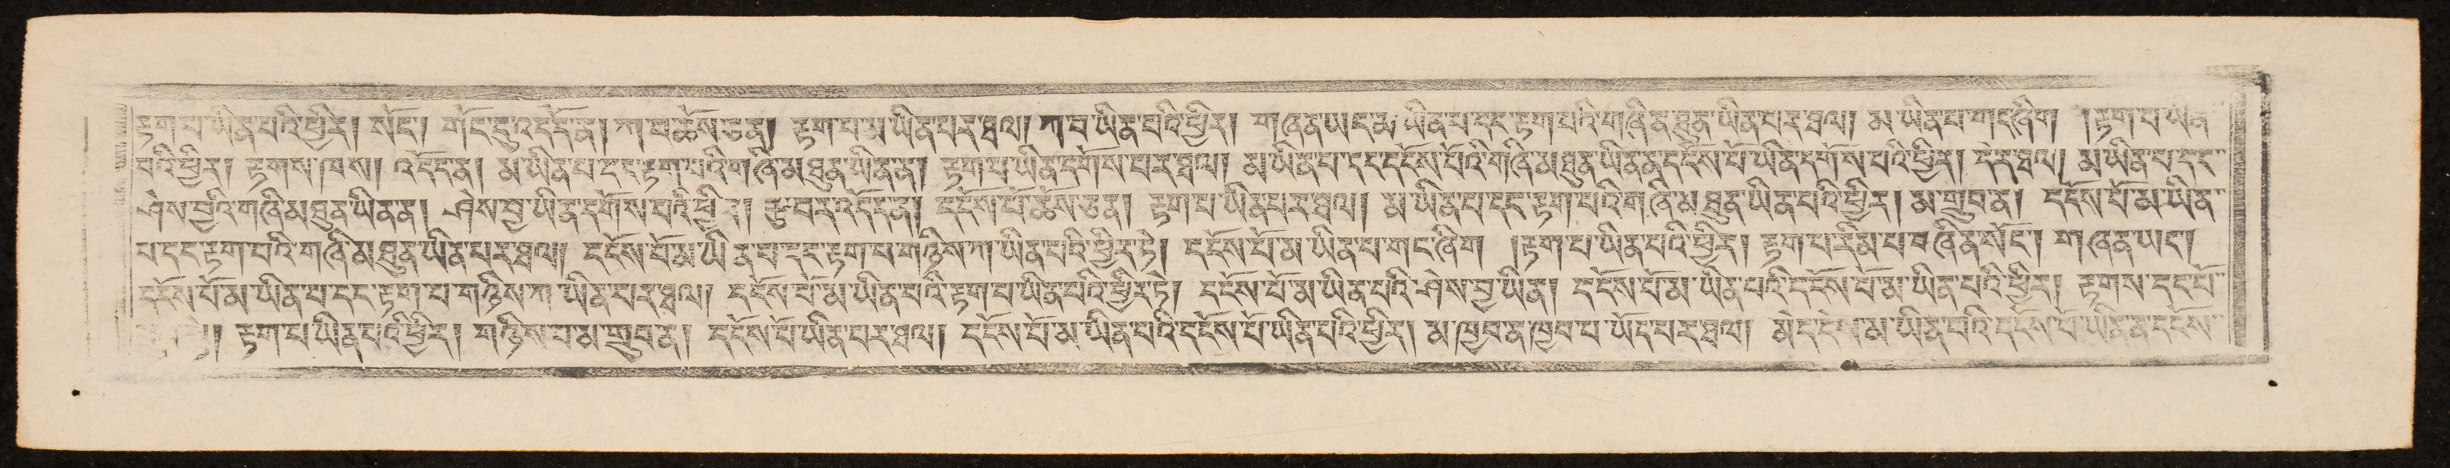རྟག་པ་ཡིན་པའི་ཕྱིར། སོང་། གོང་དུ་འདོད་ན། ཀ་བ་ཆོས་ཅན། རྟག་པ་མ་ཡིན་པར་ཐལ། ཀ་བ་ཡིན་པའི་ཕྱིར། གཞན་ཡང་མ་ཡིན་པ་དང་རྟག་པའི་གཞི་མཐུན་ཡིན་པར་ཐལ། མ་ཡིན་པ་གང་ཞིག། རྟག་པ་ཡིན་
པའི་ཕྱིར། རྟགས་ལས། འདོད་ན། མ་ཡིན་པ་དང་རྟག་པའི་གཞི་མཐུན་ཡིན་ན། རྟག་པ་ཡིན་དགོས་པར་ཐལ། མ་ཡིན་པ་དང་དངོས་པོའི་གཞི་མཐུན་ཡིན་ན་དངོས་པོ་ཡིན་དགོས་པའི་ཕྱིར། དེར་ཐལ། མ་ཡིན་པ་དང་
ཤེས་བྱའི་གཞན་མཐུན་ཡིན་ན། ཤེས་བྱ་ཡིན་དགོས་པའི་ཕྱིར། རྩ་བར་འདོད་ན། དངོས་པོ་ཆོས་ཅན། རྟག་པ་ཡིན་པར་ཐལ། མ་ཡིན་པ་དང་རྟག་པའི་གཞི་མཐུན་ཡིན་པའི་ཕྱིར། མ་གྲུབ་ན། དངོས་པོ་མ་ཡིན་
པ་དང་རྟག་པའི་གཞི་མཐུན་ཡིན་པར་ཐལ། དངོས་པོ་མ་ཡིན་པ་དང་རྟག་པ་གཉིས་ཀ་ཡིན་པའི་ཕྱིར་ཏེ། དངོས་པོ་མ་ཡིན་པ་གང་ཞིག ། རྟག་པ་ཡིན་པའི་ཕྱིར། རྟགས་རིམ་པ་བཞིན་སོང་། གཞན་ཡང་།
དངོས་པོ་མ་ཡིན་པ་དང་རྟག་པ་གཉིས་ཀ་ཡིན་པར་ཐལ། དངོས་པོ་མ་ཡིན་པའི་རྟག་པ་ཡིན་པའི་ཕྱིར་ཏེ། དངོས་པོ་མ་ཡིན་པའི་ཤེས་བྱ་ཡིན། དངོས་པོ་མ་ཡིན་པའི་དངོས་པོ་མ་ཡིན་པའི་ཕྱིར། རྟགས་དང་པོ་
གྲུབ་སྟེ། རྟག་པ་ཡིན་པའི་ཕྱིར། གཉིས་པ་མ་གྲུབ་ན། དངོས་པོ་ཡིན་པར་ཐལ། དངོས་པོ་མ་ཡིན་པའི་དངོས་པོ་ཡིན་པའི་ཕྱིར། མ་ཁྱབ་ན་ཁྱབ་པ་ཡོད་པར་ཐལ། མེད་ངེས་མ་ཡིན་པའི་དངོས་པོ་ཡིན་ན་དངོས་